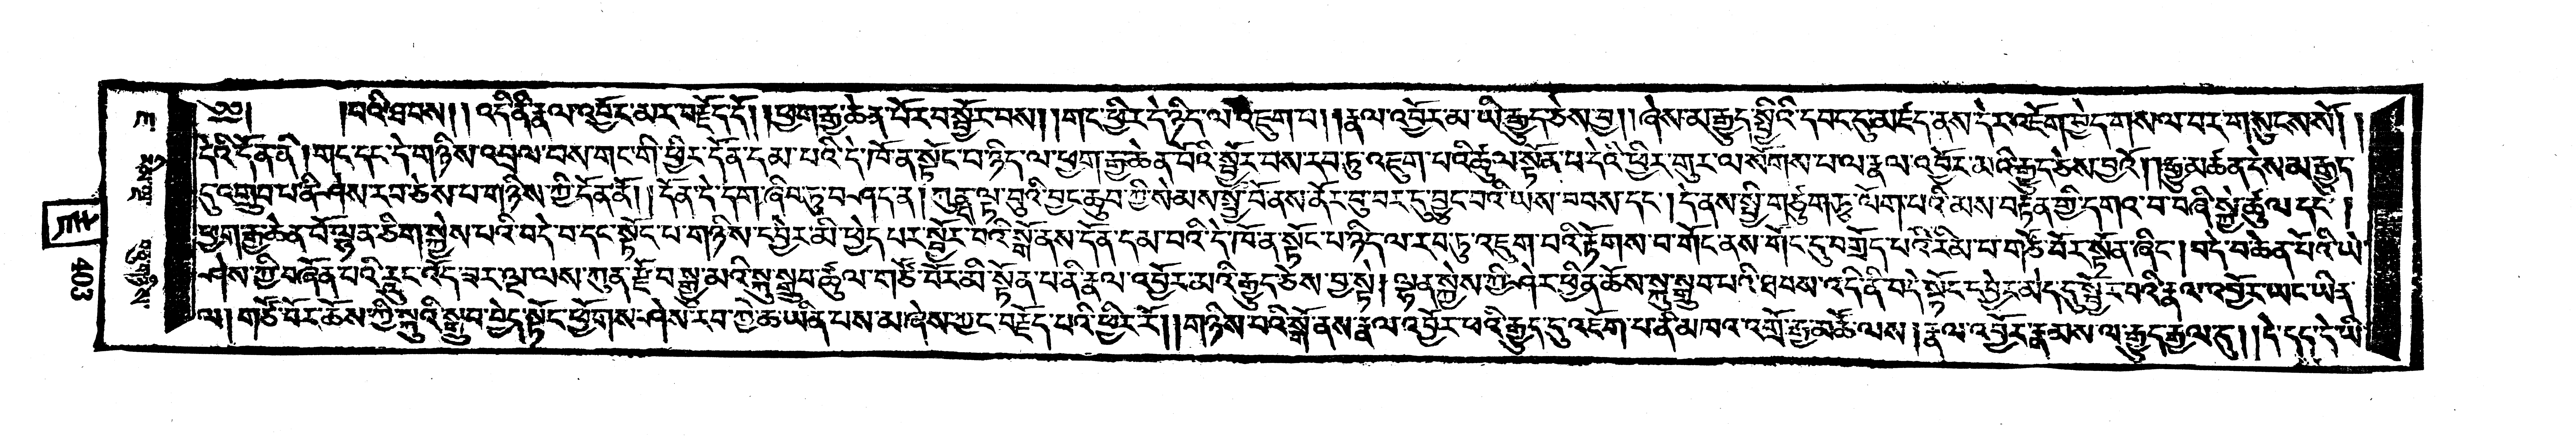༄༅། །པའི་ཐབས། །འདི་ནི་རྣལ་འབྱོར་མར་བརྗོད་དོ། །ཕྱག་རྒྱ་ཆེན་པོ་རབ་སྦྱོར་བས། །གང་ཕྱིར་དེ་ཉིད་ལ་འཇུག་པ། །རྣལ་འབྱོར་མ་ཡི་རྒྱུད་ཅེས་བྱ། །ཞེས་མ་རྒྱུད་སྤྱིའི་དབང་དུ་མཛད་ནས་དེར་འཇོག་བྱེད་གསལ་བར་གསུངས་སོ། །
དེའི་དོན་ནི། གང་དང་དེ་གཉིས་འབྲལ་བས་གང་གི་ཕྱིར་དོན་དམ་པའི་དེ་ཁོ་ན་སྟོང་པ་ཉིད་ལ་ཕྱག་རྒྱ་ཆེན་པོའི་སྦྱོར་བས་རབ་ཏུ་འཇུག་པའི་ཚུལ་སྟོན་པ་དེའི་ཕྱིར་གུར་ལ་སོགས་པ་ལ་རྣལ་འབྱོར་མའི་རྒྱུད་ཅེས་བྱའོ། །རྒྱུ་མཚན་དེས་མ་རྒྱུད་
དུ་འགྲུབ་པ་ནི་ཤེས་རབ་ཅེས་པ་གཉིས་ཀྱི་དོན་ནོ། །དོན་དེ་དག་ཞིབ་ཏུ་བཤད་ན། ཀུན་ད་ལྟ་བུའི་བྱང་ཆུབ་ཀྱི་སེམས་སྤྱི་བོ་ནས་ནོར་བུ་བར་དུ་བྱུང་བའི་ཡས་བབས་དང་། དེ་ནས་སྤྱི་གཙུག་ཏུ་ལོག་པའི་མས་བརྟན་གྱི་དགའ་བ་བཞི་སྐྱེ་ཚུལ་དང་།
ཕྱག་རྒྱ་ཆེན་པོ་ལྷན་ཅིག་སྐྱེས་པའི་བདེ་བ་དང་སྟོང་པ་གཉིས་དབྱེར་མི་ཕྱེད་པར་སྦྱོར་བའི་སྒོ་ནས་དོན་དམ་པའི་དེ་ཁོ་ན་སྟོང་པ་ཉིད་ལ་རབ་ཏུ་འཇུག་པའི་རྟོགས་པ་གོང་ནས་གོང་དུ་བགྲོད་པའི་རིམ་པ་གཙོ་བོར་སྟོན་ཞིང་། བདེ་བ་ཆེན་པོའི་ཡེ་
ཤེས་ཀྱི་བཞོན་པའི་རླུང་འོད་ཟེར་ལྔ་ལས་ཀུན་རྫོབ་སྒྱུ་མའི་སྐུ་སྒྲུབ་ཚུལ་གཙོ་བོར་མི་སྟོན་པ་ནི་རྣལ་འབྱོར་མའི་རྒྱུད་ཅེས་བྱ་སྟེ། ལྷན་སྐྱེས་ཀྱི་ཤེར་ཕྱིན་ཆོས་སྐུ་སྒྲུབ་པའི་ཐབས་འདི་ནི་བདེ་སྟོང་དབྱེར་མེད་དུ་སྦྱོར་བའི་རྣལ་འབྱོར་ཡང་ཡིན་
ལ། གཙོ་བོར་ཆོས་ཀྱི་སྐུའི་སྒྲུབ་བྱེད་སྟོང་ཕྱོགས་ཤེས་རབ་ཀྱི་ཆ་ཡིན་པས་མ་ཞེས་ཀྱང་བརྗོད་པའི་ཕྱིར་རོ། །གཉིས་པའི་སྒོ་ནས་རྣལ་འབྱོར་པའི་རྒྱུད་དུ་འཇོག་པ་ནི་མཁའ་འགྲོ་རྒྱ་མཚོ་ལས། རྣལ་འབྱོར་རྣམས་ལ་རྒྱུད་རྒྱལ་དུ། །དེ་དང་དེ་ཡི་